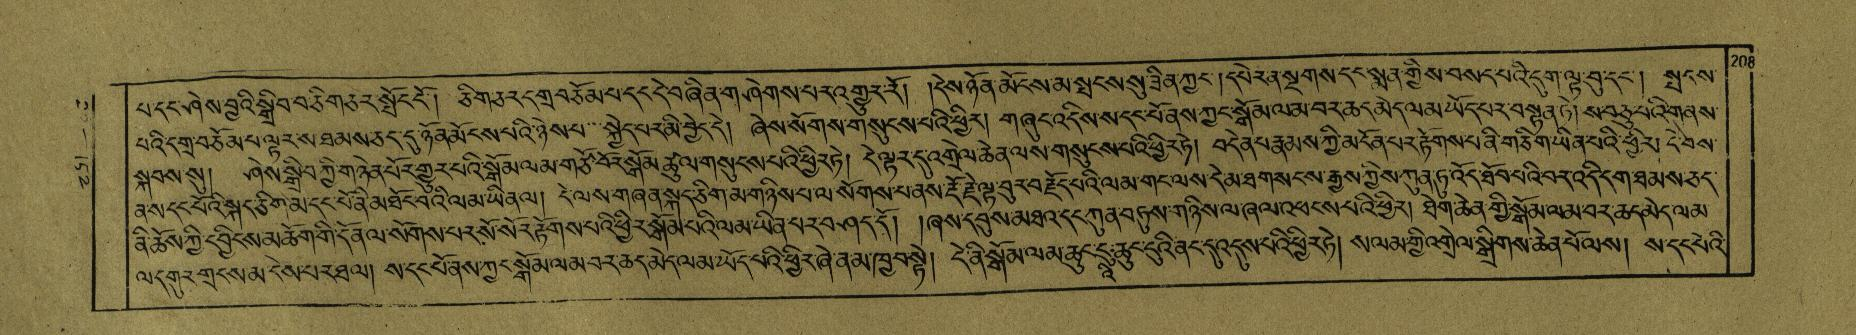པ་དང་ཤེས་བྱའི་སྒྲིབ་གཅིག་ཅར་སྤོང་ངོ། ཅིག་ཅར་དགྲ་བཅོམ་པ་དང་དེ་བཞིན་གཤེགས་པར་འགྱུར་རོ། །དེས་ཉོན་མོངས་མ་སྤངས་སུ་ཟིན་ཀྱང་། དཔེར་ན་སྔགས་དང་སྨན་གྱིས་བསད་པའི་དུག་ལྟ་བུ་དང་། སྤངས་
པའི་དགྲ་བཅོམ་པ་ལྟར་ས་ཐམས་ཅད་དུ་ཉོན་མོངས་པའི་ཉེས་པ་སྐྱེད་པར་མི་བྱེད་དེ། ཞེས་སོགས་གསུངས་པའི་ཕྱིར། གཞུང་འདིས་ས་དང་པོ་ནས་ཀྱང་སྒོམ་ལམ་བར་ཆད་མེད་ལམ་ཡོད་པར་བསྟན་ཏེ། ས་བཅུ་པའི་གནས་
སྐབས་སུ། ཤེས་སྒྲིབ་ཀྱི་གཉེན་པོར་གྱུར་པའི་སྒོམ་ལམ་གཙོ་བོར་སྒོམ་ཚུལ་གསུངས་པའི་ཕྱིར་ཏེ། དེ་ལྟར་དུ་འགྲེལ་ཆེན་ལས་གསུངས་པའི་ཕྱིར་ཏེ། བདེན་པ་རྣམས་ཀྱི་མངོན་པར་རྟོགས་པ་ནི་གཅིག་ཡིན་པའི་ཕྱིར། དེ་བས་
ན་ས་དང་པོའི་སྐད་ཅིག་མ་དང་པོ་ནི་མཐོང་བའི་ལམ་ཡིན་ལ། དེ་ལས་གཞན་སྐད་ཅིག་མ་གཉིས་པ་ལ་སོགས་པ་ནས་རྡོ་རྗེ་ལྟ་བུར་བརྗོད་པའི་ལམ་གང་ལས་དེ་མ་ཐག་སངས་རྒྱས་ཀྱིས་ཀུན་ཏུ་འོད་ཐོབ་པའི་བར་འདི་དག་ཐམས་ཅད་
ནི་ཆོས་ཀྱི་དབྱིངས་མཆོག་གི་དོན་ལ་སོགས་པར་སོ་སོར་རྟོགས་པའི་ཕྱིར་སྒོམ་པའི་ལམ་ཡིན་པར་བཤད་དོ། །ཞས་དབུས་མཐའ་དང་ཀུན་བཏུས་གཉིས་ལ་ཞལ་འཕངས་པའི་ཕྱིར། ཐེག་ཆེན་གྱི་སྒོམ་ལམ་བར་ཆད་མེད་ལམ་
ལ་དགུར་གྲངས་མ་ངེས་པར་ཐལ། ས་དང་པོ་ནས་ཀྱང་སྒོམ་ལམ་བར་ཆད་མེད་ལམ་ཡོད་པའི་ཕྱིར་ཞེ་ན་མ་ཁྱབ་སྟེ། དེ་ནི་སྒོམ་ལམ་ཆུང་ངུའི་ཆུང་ངུའི་ནང་དུ་འདུས་པའི་ཕྱིར་ཏེ། ས་ལམ་གྱི་འགྲེལ་སྒྲིགས་ཆེན་པོ་ལས། ས་དང་པོའི་